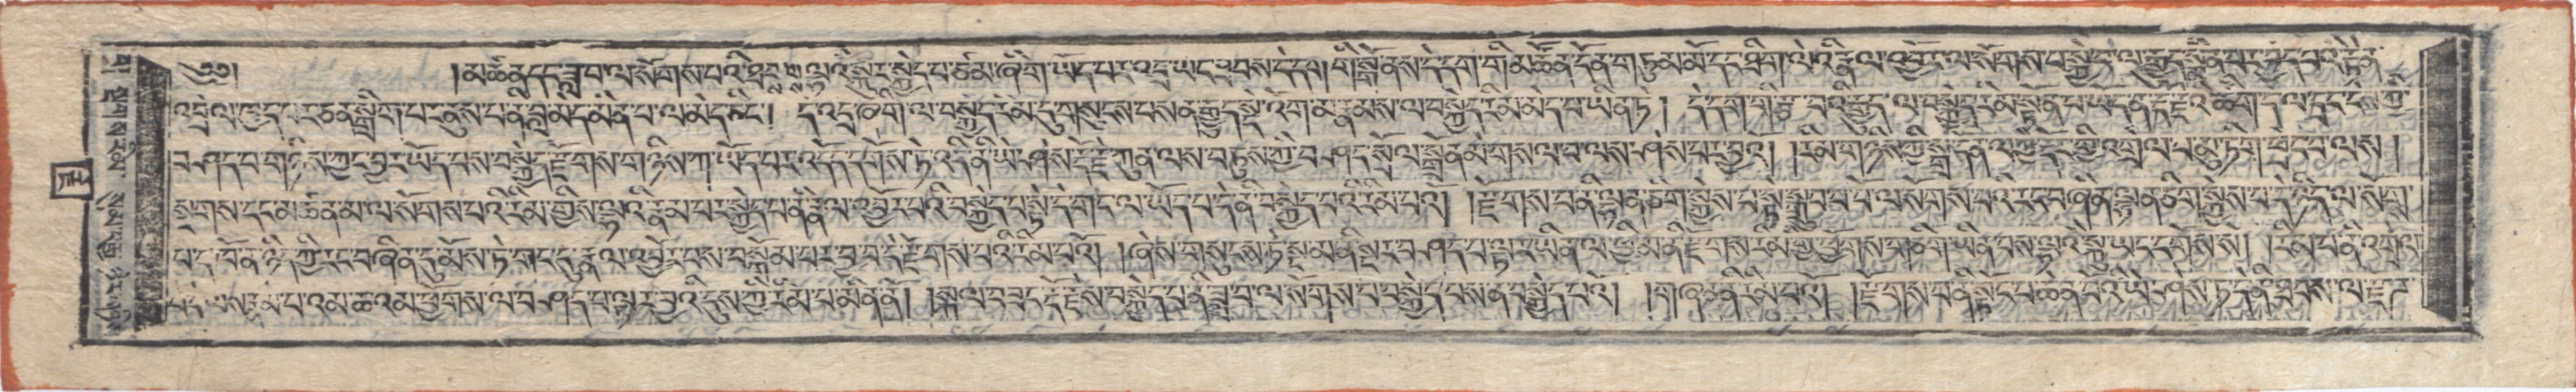༄༅། །མཚན་དང་ཟླ་བ་ལ་སོགས་པའི་ཐབས་ལས་ལྷའི་སྐུར་སྐྱེད་པ་ཙམ་ཞིག་ཡོད་པར་འདྲ་ཡང་ཐབས་དེ་དག་གི་སྒོ་ནས་དེ་དག་གི་མཚོན་དོན་གཏུམ་མོ་དང་ཐིག་ལེའི་རྣལ་འབྱོར་ལ་སོགས་པ་སྐྱེ་བ་ལ་རྒྱུད་སྨིན་པར་བྱེད་པའི་རྟེན་
འབྲེལ་ཁྱད་པར་ཅན་སྒྲིག་པར་ནུས་པ་ནི་བླ་མེད་མིན་པ་ལ་མེད་ཅིང་། དེ་འདྲ་ཞིག་ལ་བསྐྱེད་རིམ་དུ་གསུངས་པས་ན་རྒྱུད་སྡེ་འོག་མ་རྣམས་ལ་བསྐྱེད་རིམ་མེད་པ་ཡིན་ཏེ། དེ་དག་གི་རྩ་བའི་རྒྱུད་ལ་བསྐྱེད་རིམ་སྟོན་པ་ཡོད་ན་རྡོ་རྗེའི་ཚིག་དེ་ལ་དྲང་ངེས་ཀྱི་
བཤད་པ་གཉིས་ཀྱང་བྱར་ཡོད་པས་བསྐྱེད་རྫོགས་གཉིས་ཀ་ཡོད་པར་འདོད་དགོས་ཏེ་འདི་ནི་ཡེ་ཤེས་རྡོ་རྗེ་ཀུན་ལས་བཏུས་ཀྱི་བཤད་སྲོལ་སྒྲོན་མེ་གསལ་བ་ལས་ཤེས་པར་བྱའོ། །རིམ་གཉིས་ཀྱི་སྒྲ་དོན་ལ་ཀྱཻ་རྡོར་གྱི་འགྲེལ་པ་མུ་ཏིག་ཕྲེང་བ་ལས།
སྔགས་དང་མཚན་མ་ལ་སོགས་པའི་རིམ་གྱིས་ལྷའི་རྣམ་པར་སྐྱེད་པ་ནི་རྣལ་འབྱོར་པའི་བསྐྱེད་པ་སྟེ་དེ་གང་ལ་ཡོད་པ་དེ་ནི་བསྐྱེད་པའི་རིམ་པའོ། །རྫོགས་པ་ནི་ལྷན་ཅིག་སྐྱེས་པ་སྟེ་སྒྲུབ་པ་པོ་ལ་སོགས་པའི་རང་བཞིན་ལྷན་ཅིག་སྐྱེས་པ་དེ་ཉིད་ལ་སོགས་
པ་དེ་ཁོ་ན་ཉིད་ཀྱི་རང་བཞིན་དུ་མོས་ཏེ་གང་དུ་རྣལ་འབྱོར་པས་བསྒོམ་པར་བྱ་བ་དེ་རྫོགས་པའི་རིམ་པའོ། །ཞེས་གསུངས་ཏེ་སྔ་མ་ནི་སྔར་བཤད་པ་ལྟར་ཡིན་ལ་ཕྱི་མ་ནི་རྫོགས་རིམ་གྱི་ཕྱོགས་གཅིག་ཡིན་པས་ལྷའི་སྐུ་ཡང་དགོས་སོ། །རིམ་པ་ནི་འགྲེལ་
པ་དེ་ལས་རྣམ་པ་འམ་ཆ་འམ་ཕྱོགས་ལ་བཤད་པ་ལྟར་བྱའི་དུས་ཀྱི་རིམ་པ་མིན་ནོ། །སྐལ་བཟང་རྡོ་རྗེས་བསྐྱེད་པ་ནི་ཟླ་བ་ལ་སོགས་པ་བསྐྱེད་པས་ན་བསྐྱེད་པའོ། །གཞན་ནི་རིམ་པའོ། །རྫོགས་པ་ནི་སྟོང་པ་ཆེན་པོའི་ཡེ་ཤེས་ཏ་དེ་ནི་ཐབས་ལ་རྫོགས་